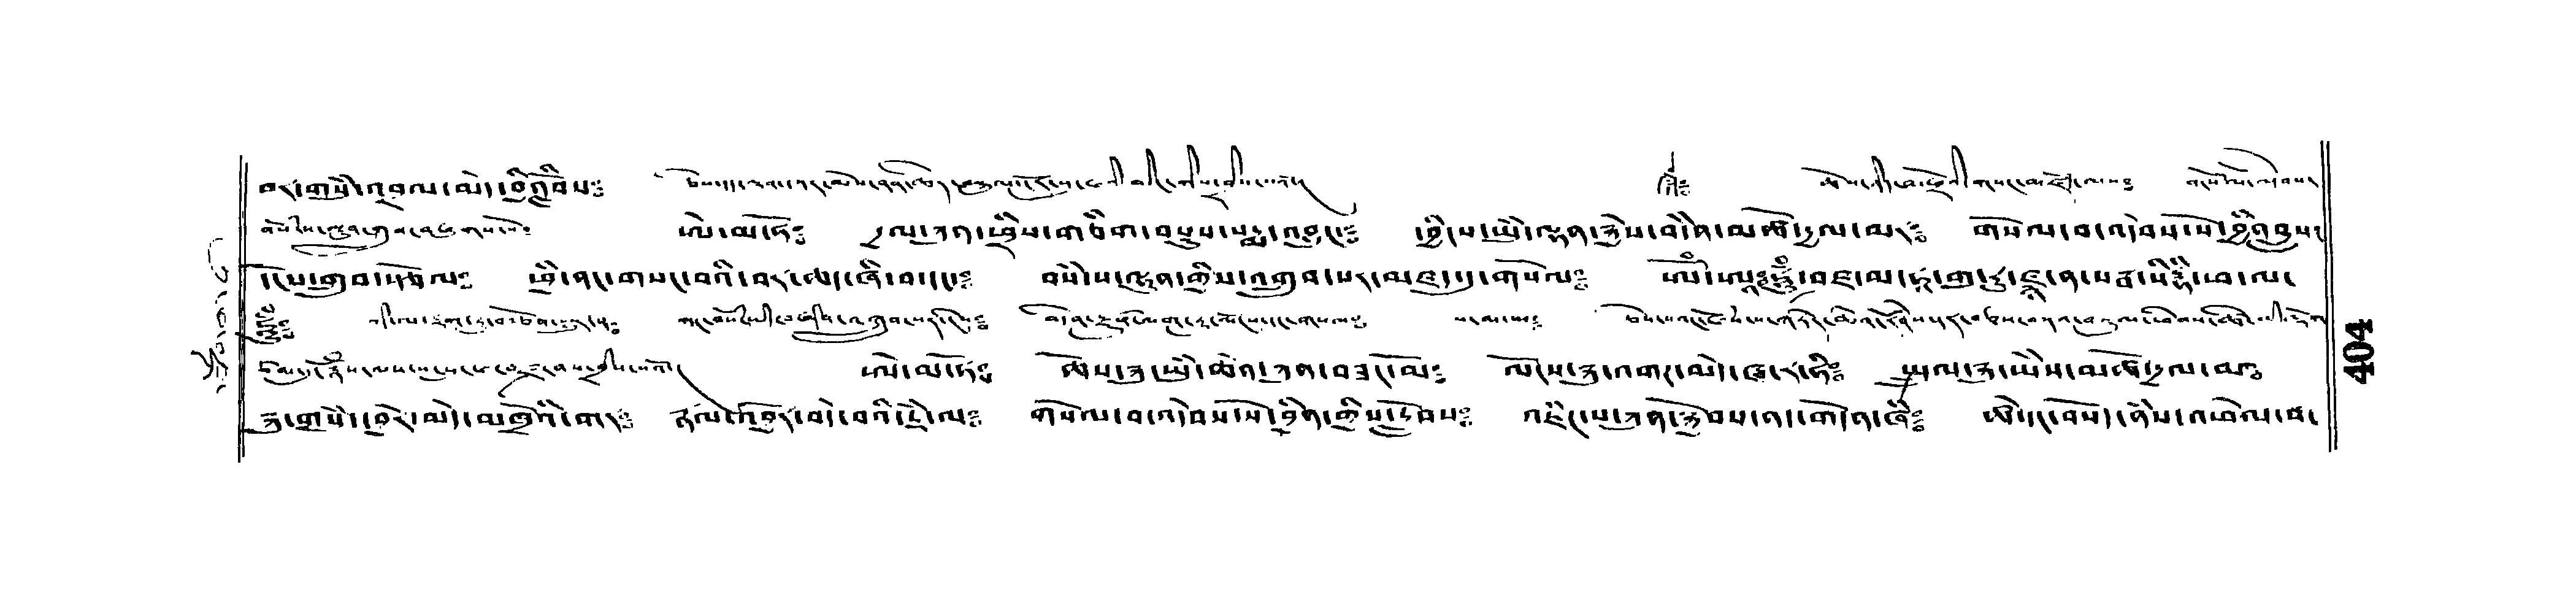བར་གསུམ་འབྲལ་མེད་བྱིན་གྱིས་རློབས༔ ཅེས་དད་ལྡན་དཀར་མོས་ནན་ཆེར་བསྐུལ་ངོར་སུ་ཁའི་མིང་གིས་བྲིས་པའོ།། ཆོས་ཉིད་མཁའ་འགྲོའི་གསང་མཛོད་ལས༔ གསོལ་འདེབས་
བསམ་པ་ལྷུན་གྲུབ་བཞུགས་སོ༔ ཨེ་མ་ཧོཿ རྒྱལ་ཀུན་ཕྲིན་ལས་གཅིག་བསྡུས་པདྨ་འབྱུང༔ དབྱིངས་ཡུམ་ལྷན་སྐྱེས་བདེ་ཆེན་མཚོ་རྒྱལ་མར༔ གསོལ་བ་འདེབས་སོ་བྱིན་རླབས་
དངོས་གྲུབ་སྩོལ༔ ཕྱི་ནང་གསང་བའི་བར་ཆད་ཞི་བ་དང༔ བསམ་པ་ལྷུན་གྱིས་འགྲུབ་པར་མཛད་དུ་གསོལ༔ ཨོཾ་ཨཱཿཧྃའུ་བཛྲ་མ་ཧཱ་གུ་རུ་ཛྙཱ་ན་སརྦ་སིདྡྷི་ཕ་ལ་
ཧཱུྃ༔ འདི་ལ་རྟག་ཏུ་བརྩོན་གྱུར་ན༔ གང་བསམ་ཡིད་བཞིན་འགྲུབ་པར་ངེས༔ བདེན་རྫུན་ལག་ཏུ་ལོངས་དང་གསལ༔ ས་མ་ཡ༔ ཅེས་པའང་ཁམས་པ་གཏེར་ཆེན་རིན་པོ་ཆེ་ནས་དར་བཅས་བཀའ་བསྐུལ་ཕེབས་ཚེ་མ་ལྡོག་
ཙམ་དུ་སྙོམས་ལས་པ་སུ་ཁ་བཛྲ་ནས་བྲིས་པའོ།། ཨེ་མ་ཧོཿ ཆོས་སྐུ་ཡུམ་ཆེན་ཀུན་བཟང་མོ༔ ལོངས་སྐུ་འགགས་མེད་ཝ་ར་ཧི༔ སྤྲུལ་སྐུ་ཡེ་ཤེས་མཚོ་རྒྱལ་མ༔ 
སྐུ་གསུམ་དབྱེར་མེད་མཁའ་འགྲོའི་གར༔ རྣལ་འབྱོར་བདེ་བའི་རྡོ་རྗེ་ལ༔ གསོལ་བ་འདེབས་སོ་བྱིན་གྱིས་རློབས༔ འཇིགས་པ་ཀུན་སྐྱོབས་ནད་གདོན་ཞི༔ ཚེ་དང་བསོད་ནམས་འཕེལ་བ་